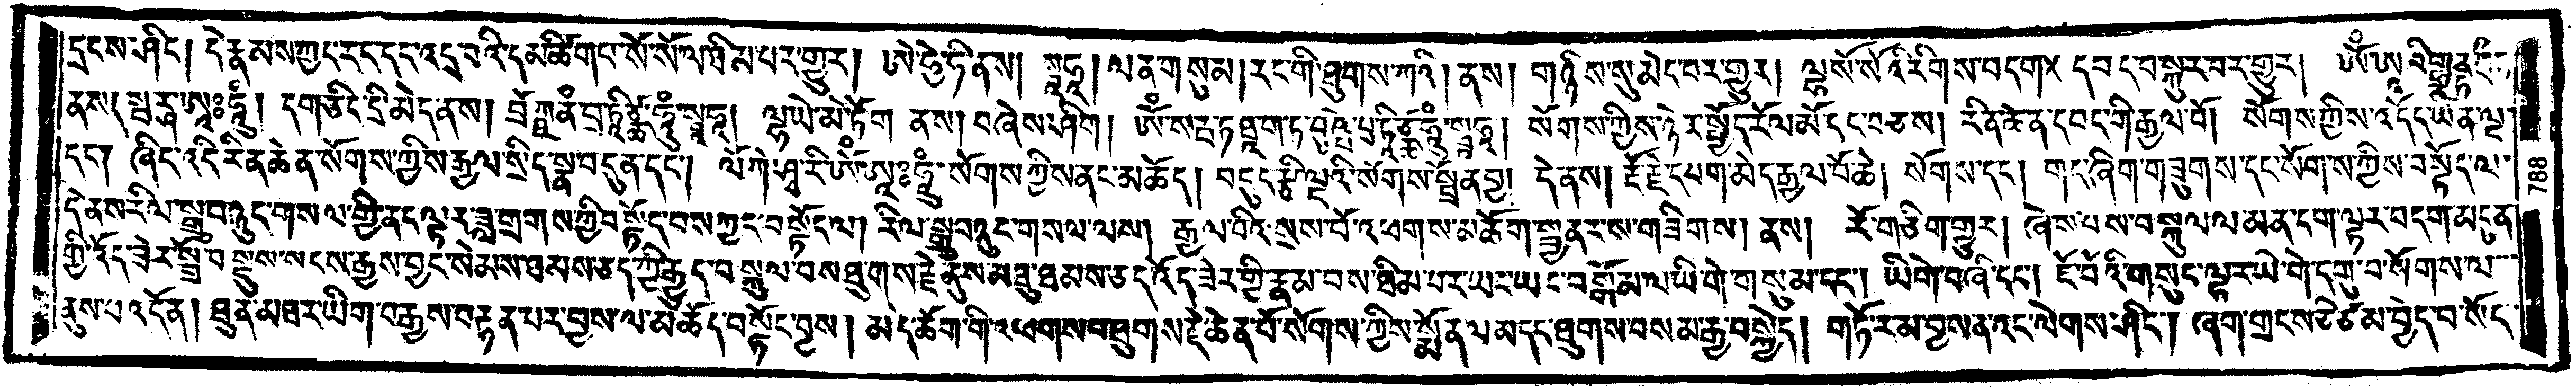དྲངས་ཤིང་། དེ་རྣམས་ཀྱང་རང་དང་འདྲ་བའི་དམ་ཚིག་སོ་སོ་ལ་ཐིམ་པར་གྱུར། ཨེ་ཧྱེ་ཧི་ནས། སྭཱ་ཧཱ། ལན་གསུམ། རང་གི་དྲུགས་ཀའི། ནས། གཉིས་སུ་མེད་བར་གྱུར། ལྷ་སོ་སོའི་རིགས་བདག་དབང་བསྐུར་བར་གྱུར། ཨོཾ་ཨཱ་བིགྷཱནྟ?
ནས༑ སྦརྴ་ཨཱཿཧཱུཾ། དག་ཅིང་དྲི་མེད་ནས། བྲོཀྵ་ནཾ་བྲ་ཏིའ་ཙྪ་ཧཱུཾ་སྦཱ་ཧཱ། ལྷ་ཡེ་མེ་ཏོག་ནས། བཞེས་ཤིག། ཨོཾ་སརྦ་ཏ་ཐཱ་ག་ཏ་བུཥྤེ་པྲ་ཏཱི་ཙྪ་ཧཱུཾ་སྭཱ་ཧཱ། སོགས་ཀྱིས་ཉེར་སྤྱོད་རོལ་མོ་དང་བཅས། རིན་ཆེན་དབང་གི་རྒྱལ་བོ། སོགས་ཀྱིས་འདོད་ཡིན་ལྔ་
དང༑ ཞིང་འདི་རིན་ཆེན་སོགས་ཀྱིས་རྒྱལ་སྲིད་སྣ་བདུན་དང་། ལོ་ཀེ་ཤྭ་རི་ཨོཾ་ཨཱཿཧཱུཾ་སོགས་ཀྱིས་ནང་མཆོད། བདུད་རྩི་ལྔའི་སོགས་སྦྲོན་བྱ། དེ་ནས། རྡོ་རྗེ་དཔག་མེད་རྒྱལ་པོ་ཆེ། སོགས་དང་། གང་ཞིག་གཟུགས་དང་སོགས་ཀྱིས་བསྟོན་ལ་
དེ་ནས་རིལ་སྒྲུབ་བྙུང་གསལ་གྱི་ནང་ལྟར་ཟླ་གྲགས་ཀྱི་བསྟོད་བས་ཀྱང་བསྟོད་ལ། རིལ་སྒྲུབ་ཉུང་གསལ་ལས། རྒྱལ་བའི་གྲགས་བོ་འཕགས་མཆོག་སྦྱན་དྲངས་གཟིགས། ནས། རོ་གཅིག་གྱུར། ཞེས་པས་བསྐུལ་ལམ་ན་དག་ལྟར་བདག་མདུན་
གྱི་འོད་ཟེར་སྒྲོ་བསྡུས་སངས་རྒྱས་བྱང་སེམས་ཐམས་ཅད་ཀྱི་རྒྱུད་བསྐུལ་བས་ཐུགས་རྗེ་ནུས་མཐུ་ཐམས་ཅད་འོད་ཟེར་གྱི་རྣམ་བས་ཐིམ་པར་ཡང་ཡང་བསྒོམ་ལ་ཡི་གེ་གསུམ་དང་། ཡི་གེ་བཞི་དང་། ཇོ་བོའི་གསུང་ལྟར་ཡི་གེ་དགུ་བ་སོགས་ལ་
ནུས་པ་འདོན། ཐུན་མཐར་ཡིག་བརྒྱས་བརྟན་པར་བྱས་ལ་མཆོད་བསྟོད་བྱས། མདོ་ཆོག་གི་འཕགས་པ་ཐུགས་རྗེ་ཆེན་པོ་སོགས་ཀྱིས་སྨོན་ལམ་དང་ཐུགས་བསམ་རྒྱ་བསྐྱེད། གཏོར་མ་བྱས་ནའང་ལེགས་ཤིང་། ཞག་གྲངས་ཅེ་ཙམ་བྱེད་བསོད་